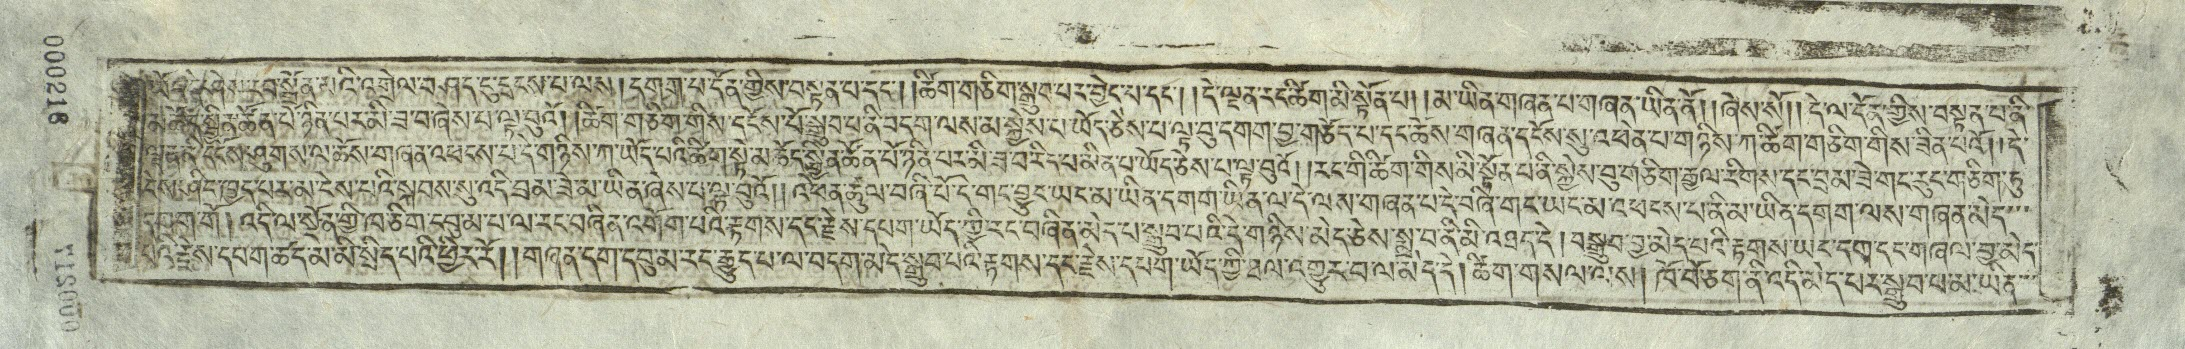ཡོད་དེ་ཤེས་རབ་སྒྲོན་མའི་འགྲེལ་བཤད་དུ་དྲངས་པ་ལས། དགག་པ་དོན་གྱིས་བསྟན་པ་དང་། །ཚིག་གཅིག་སྒྲུབ་པར་བྱེད་མ་དང་། །དེ་ལྡན་རང་ཚིག་མི་སྟེན་པ། །མ་ཡིན་གཞན་པ་གཞན་ཡིན་ནོ། །ཞེས་སོ། །དེ་ལ་དོན་གྱིས་བསྟན་པ་ནི་
མཆོད་སྦྱིན་ཚོན་པོ་ཉིན་པར་མི་ཟ་བ་ཞེས་པ་ལྟ་བུའོ། །ཚིག་གཅིག་གིས་དངོས་པོ་སྒྲུབ་པ་ནི་བདག་ལས་མ་སྐྱེས་པ་ཡོད་ཅེས་པ་ལྟ་བུ་དགག་བྱ་གཅོད་པ་དང་ཆོས་གཞན་དངོས་སུ་འཕེན་པ་གཉིས་ཀ་ཚིག་གཅིག་གིས་ཟིན་པའོ། །དེ་
ལྡན་ནི་དངོས་ཤུགས་ལ་ཆོས་གཞན་འཕངས་པ་དེ་གཉིས་ཀ་ཡོད་པའི་ཚིག་སྟེ་མཆོད་སྦྱིན་ཚོན་པོ་ཉིན་པར་མི་ཟ་བ་རིད་པ་མིན་པ་ཡོད་ཅེས་པ་ལྟ་བུའོ། །རང་གི་ཚིག་གིས་མི་སྟོན་པ་ནི་སྐྱེས་བུ་གཅིག་རྒྱལ་རིགས་དང་བྲམ་ཟེ་གང་རུང་གཅིག་ཏུ་
ངེས་ཤིང་ཁྱད་པར་མ་ངེས་པའི་སྐབས་སུ་འདི་བྲམ་ཟེ་མ་ཡིན་ཞེས་པ་ལྟ་བུའོ། །འཕེན་ཚུལ་བཞི་པོ་དེ་གང་བྱུང་ཡང་མ་ཡིན་དགག་ཡིན་ལ་དེ་ལས་གཞན་པ་དེ་བཞི་གང་ཡང་མ་འཕངས་པ་ནི་མ་ཡིན་དགག་ལས་གཞན་མེད་
དགག་གོ། འདི་ལ་སྔོན་གྱི་ཁ་ཅིག་དབུ་མ་པ་ལ་རང་བཞིན་འགོག་པའི་རྟགས་དང་རྗེས་དཔག་ཡོད་ཀྱི་རང་བཞིན་མེད་པ་སྒྲུབ་པའི་དེ་གཉིས་མེད་ཅེས་སྨྲ་བ་ནི་མི་འཐད་དེ། བསྒྲུབ་བྱ་མེད་པའི་རྟགས་ཡང་དག་དང་གཞལ་བྱ་མེད་
པའི་རྗེས་དཔག་ཚད་མ་མི་སྲིད་པའི་ཕྱིར་རོ། །གཞན་དག་དབུ་མ་རང་རྒྱུད་པ་ལ་བདག་མེད་སྒྲུབ་པའི་རྟགས་དང་རྗེས་དཔག་ཡོད་ཀྱི་ཐལ་འགྱུར་བ་ལ་མེད་དེ། ཚིག་གསལ་ལས། ཁོ་བོ་ཅག་ནི་འདི་མེད་པར་སྒྲུབ་པ་མ་ཡིན་